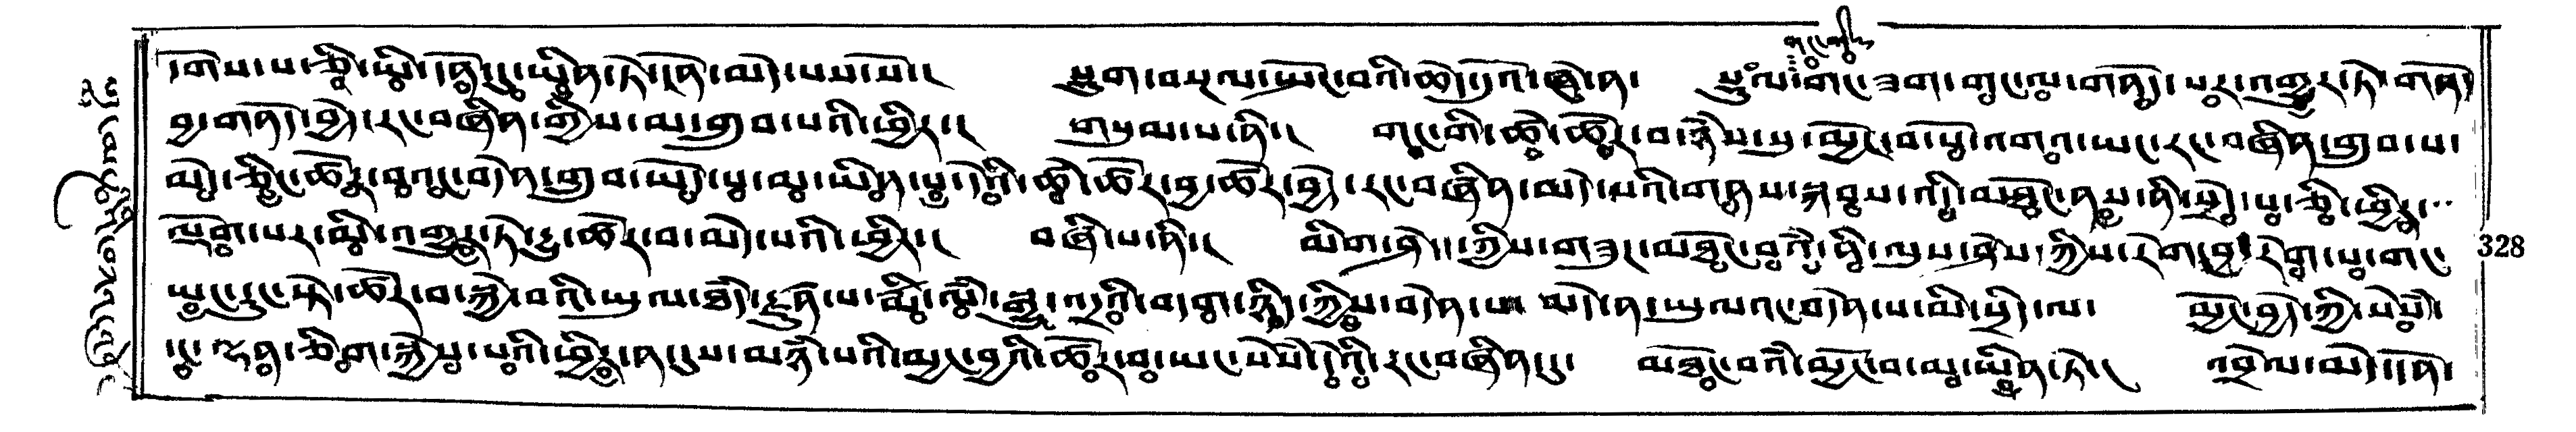དགོས་པ་ཅི་ཡི་དོན་དུ་ཡིན་ཏེ་དོན་མེད་པས་སོ།། སྡུག་བསྔལ་སྤོང་བའི་ཆེད་དུའོ་ཞེ་ན། སྡུག་བསྔལ་གང་གིས་གང་ཟག་གང་ལ་གནོད་པར་འགྱུར་ཏེ་གནོད་
བྱ་གནོད་བྱེད་རང་བཞིན་གྱིས་མ་གྲུབ་པའི་ཕྱིར། གསུམ་པ་ནི། གང་གི་ཚེ་ཚོར་བ་ཉམས་སུ་མྱོང་བ་པོ་འགའ་ཡང་རང་བཞིན་གྲུབ་པ་
མེད་ཅིང་ཚོར་བའང་བདེན་གྲུབ་ཡོད་པ་མ་ཡིན་པ་དེའི་ཚེ་ཚོར་བྱ་ཚོར་བྱེད་རང་བཞིན་མེད་པའི་གནས་སྐབས་འདི་མཐོང་ནས་ནི་སྲེད་པ་ཅིའི་ཕྱིར་
ལྡོག་པར་མི་འགྱུར་ཏེ་རྒྱུ་ཚོར་བ་མེད་པའི་ཕྱིར། བཞི་པ་ནི། མིག་ཤེས་ཀྱིས་གཟུགས་མཐོང་བའམ་ནི་ལུས་ཤེས་ཀྱིས་རེག་བྱ་རེག་པ་གང་
ཡང་རུང་སྟེ་ཚོར་བ་སྐྱེ་བའི་ཡུལ་ཐམས་ཅད་རྫུན་པ་རྨི་ལམ་སྒྱུ་འདྲའི་བདག་ཉིད་ཀྱིས་བདེན་པ་མེད་ན་ཡུལ་ལའང་བདེན་པ་མི་སྲིད་ལ། མྱོང་བྱེད་ཀྱི་སེམས་
དང་ལྡན་ཞིང་སྐྱེས་པའི་ཕྱིར་ན་དུས་མཉམ་པའི་མྱང་བྱའི་ཚོར་བ་ཡང་སེམས་དེའི་རང་བཞིན་དུ་མཐོང་བའམ་མྱོང་བ་མ་ཡིན་ཏེ། འབྲེལ་མེད་དོན་